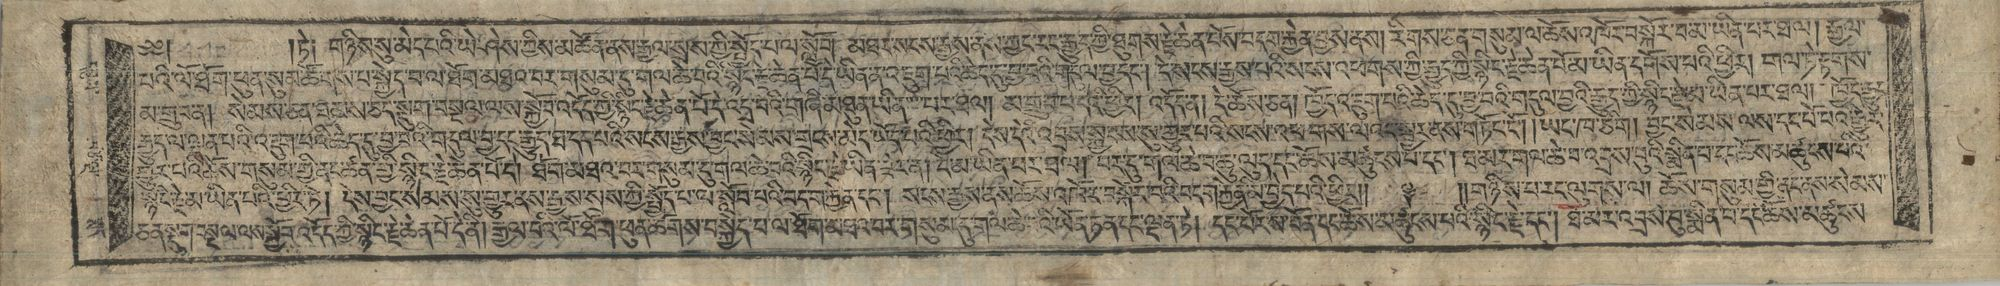༄༅། །ཏེ༑ གཉིས་སུ་མེད་པའི་ཡེ་ཤེས་ཀྱིས་མཚོན་ནས་རྒྱལ་སྲས་ཀྱི་སྤྱོད་པ་ལ་སློབ། མཐར་སངས་རྒྱས་ནས་ཀྱང་རང་རྒྱུད་ཀྱི་ཐུགས་རྗེ་ཆེན་པོས་བདག་རྐྱེན་བྱས་ནས། རིགས་ཅན་གསུམ་ལ་ཆོས་འཁོར་བསྐོར་བ་མ་ཡིན་པར་ཐལ། རྒྱལ་
བའི་ལོ་ཐོག་ཕུན་སུམ་ཚོགས་པ་སྐྱེད་བ་ལ་ཐོག་མཐའ་བར་གསུམ་དུ་གལ་ཆེ་བའི་སྙིང་རྗེ་ཆེན་པོ་དེ་ཡིན་ན་འཇུག་པའི་ཆེད་དུ་བྱ་བའི་གདུལ་བྱ་དང་། དེ་སངས་རྒྱས་པའི་སངས་འཕགས་ཀྱི་རྒྱུད་ཀྱི་སྙིང་རྗེ་ཆེན་པོ་མ་ཡིན་དགོས་པའི་ཕྱིར། གལ་ཏེ་རྟགས་
མ་གྲུབ་ན། སེམས་ཅན་ཐམས་ཅད་སྡུག་བསྔལ་ལས་སྐྱོབ་འདོད་ཀྱི་སྙིང་རྗེ་ཆེན་པོ་དེ་འདྲ་བའི་གཞི་མཐུན་ཡིན་པར་ཐལ། མ་གྲུབ་པ་དེའི་ཕྱིར། འདོད་ན། དེ་ཆོས་ཅན། ཁྱོད་འཇུག་པའི་ཆེད་དུ་བྱ་བའི་གདུལ་བྱའི་རྒྱུད་ཀྱི་སྙིང་རྗེ་མ་ཡིན་པར་ཐལ། ཁྱོད་རྒྱུད་
ལ་ལྡན་པའི་འཇུག་པའི་ཆེད་དུ་བྱ་བའི་གདུལ་བྱ་དང་རྒྱུད་ཐ་དད་པའི་སངས་རྒྱས་བྱང་སེམས་གྲངས་མེད་ཡོད་པའི་ཕྱིར། དེས་དེའི་འབྲས་སྐྱབས་སུ་གྱུར་པའི་སངས་འཕགས་ལའང་སྦྱར་ནས་གཏོང་ངོ། །ཡང་ཁ་ཅིག །བྱང་སེམས་ལས་དང་པོ་པའི་རྒྱུར་
གྱུར་པའི་ཆོས་གསུམ་གྱི་ནང་ཚན་གྱི་སྙིང་རྗེ་ཆེན་པོ་དེ། ཐོག་མཐའ་བར་གསུམ་དུ་གལ་ཆེ་བའི་སྙིང་རྗེ་ཡིན་ཟེར་ན། དེ་མ་ཡིན་པར་ཐལ། བར་དུ་གལ་ཆེ་བ་ཆུ་ལུད་དང་ཆོས་མཚུངས་པ་དང་། ཐ་མར་གལ་ཆེ་བ་འབྲས་བུའི་སྨིན་པ་དང་ཆོས་མཚུངས་པའི་
སྙིང་རྗེ་མ་ཡིན་པའི་ཕྱིར་ཏེ། དེས་བྱང་སེམས་སུ་གྱུར་ནས་རྒྱས་སྲས་ཀྱི་སྤྱོད་པ་ལ་སློབ་པའི་བདག་རྐྱེན་དང་། སངས་རྒྱས་ནས་ཆོས་འཁོར་བསྐོར་བའི་བདག་རྐྱེན་མི་བྱེད་པའི་ཕྱིར།། ༈ །།གཉིས་པ་རང་ལུགས་ལ། ཆོས་གསུམ་གྱི་ནང་ནས་སེམས་
ཅན་སྡུག་བསྔལ་ལས་སྐྱོབ་འདོད་ཀྱི་སྙིང་རྗེ་ཆེན་པོ་དེ་ནི། རྒྱལ་བའི་ལོ་ཐོག་ཕུན་ཚོགས་བསྐྱེད་པ་ལ་ཐོག་མཐའ་བར་གསུམ་དུ་གལ་ཆེ་བའི་ཡོན་ཏན་དང་ལྡན་ཏེ། དང་པོར་ས་བོན་དང་ཆོས་མཚུངས་པའི་སྙིང་རྗེ་དང་། ཐ་མར་འབྲས་བུ་སྨིན་པ་དང་ཆོས་མཚུངས་